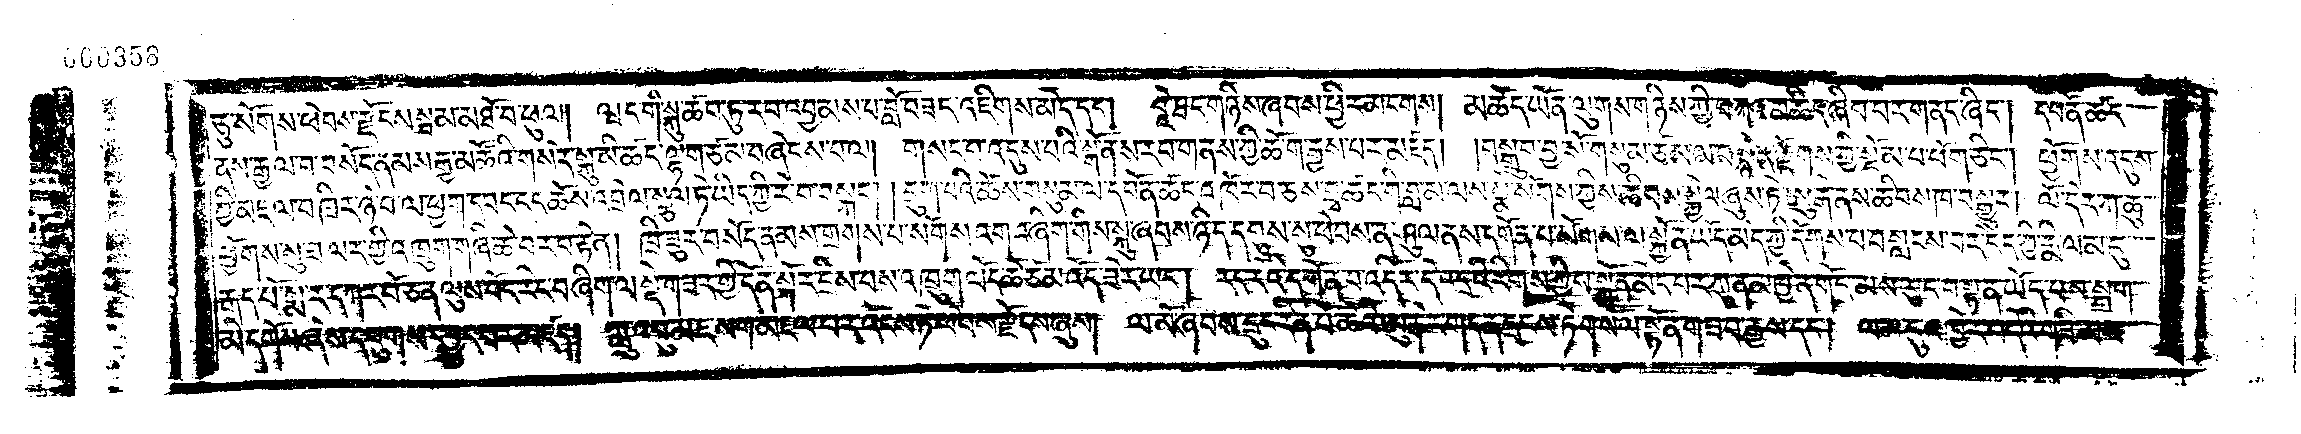ཅུ་སོགས་ཕེབས་རྫོངས་སྤམ་མཐོ་བ་ཕུལ། ཝང་གི་སྐུ་ཚབ་ཏུ་རབ་འབྱམས་བ་བློ་བཟང་འཇིགས་མེད་དང་། བE་ཐང་གཉིས་ཞབས་ཕྱིར་མངགས། མཆོད་ཡོན་ལུགས་གཉིས་ཀྱི་བཀའ་མཆིད་ཞིབ་པར་གནང་ཞིང་། དཔོན་ཚང་
ནས་རྒྱལ་བ་བསོད་ནམས་རྒྱ་མཚོའི་གསེར་སྐུ་མི་ཚད་ལྷག་ཙམ་བཞེངས་པ་ལ། གསང་བ་འདུས་པའི་སྒོ་ནས་རབ་གནས་ཀྱི་ཆོ་ག་རྒྱས་པར་མཛད། །བསྒྲུབ་བྱ་སོ་གསུམ་ཙམ་ལ་བསྙེན་རྫོགས་ཀྱི་སྔོམ་པ་ཕོག་ཅིང་། ཕྱོགས་འདུས་
ཀྱི་མཇལ་བ་ཁྲིར་ཉེ་བ་ལ་ཕྱག་དབང་དང་ཆོས་འབྲེལ་སྩལ་ཏེ་ཡིད་ཀྱི་རེ་བ་བསྐང་། དྲུག་པའི་ཚེས་གསུམ་ལ་དཔོན་ཚང་འཁོར་བཅས་གྲྭ་ཚང་གི་བླ་མ་ལས་སྣེ་སོགས་ཀྱིས་ཆིབས་སྐྱེལ་ཞུས་ཏེ་ཨུརྒེ་ནས་ཆིབས་ཁ་བསྒྱུར། ལོ་དེར་ཀ་ཆུ་
ཕྱོགས་སུ་ཟ་ལར་གྱི་འཁྲུག་གཞི་ཆེ་བར་བརྟེན། ཁྲི་ཟུར་བསོད་ནམས་གྲགས་པ་སོགས་འགའ་ཞིག་གིས་སྐུ་ཞབས་ཉིད་དབུས་སུ་ཕེབས་ན་ཤུལ་ནས་དགོན་པ་སོགས་ལ་སྐྱོན་ཡོད་མེད་ཀྱི་དོགས་པ་བསླངས་པར་ངེད་ཀྱི་རྨི་ལམ་དུ་
རྒད་བོ་སྨར་དཀར་པོ་ཅན་ལུས་བོང་རིང་བ་ཞིག་ལ་སྡེ་གཟར་གྱི་དོན་སྐོར་དྲིས་པས་འཁྲུག་ལོང་ཆེ་ཙམ་འོང་ཟེར་ཡང་། རང་རེའི་དགོན་པ་འདིར་དེ་འདྲའི་རིགས་ཀྱིས་སྐྱོན་མེད་པར་ཀུན་མཁྱེན་གོང་མས་ལུང་བསྟན་ཡོད་པས་སྐྲག་
མི་དགོས་ཞེས་དབུགས་འབྱུང་བར་མཛད། ཀླུ་འབུམ་ཇ་སག་མཇལ་བར་འོངས་ཏེ་ཕེབས་རྫོངས་ཞུས། ལ་མོ་ཞབས་དྲུང་རིན་པོ་ཆེའི་ཨུརྒེ་རེ་གདན་དྲངས་ཏེ་གསོལ་སྟོན་གཟབ་རྒྱས་དང་། ལམ་དུ་འཁྱེར་བདེའི་གཟིམས་